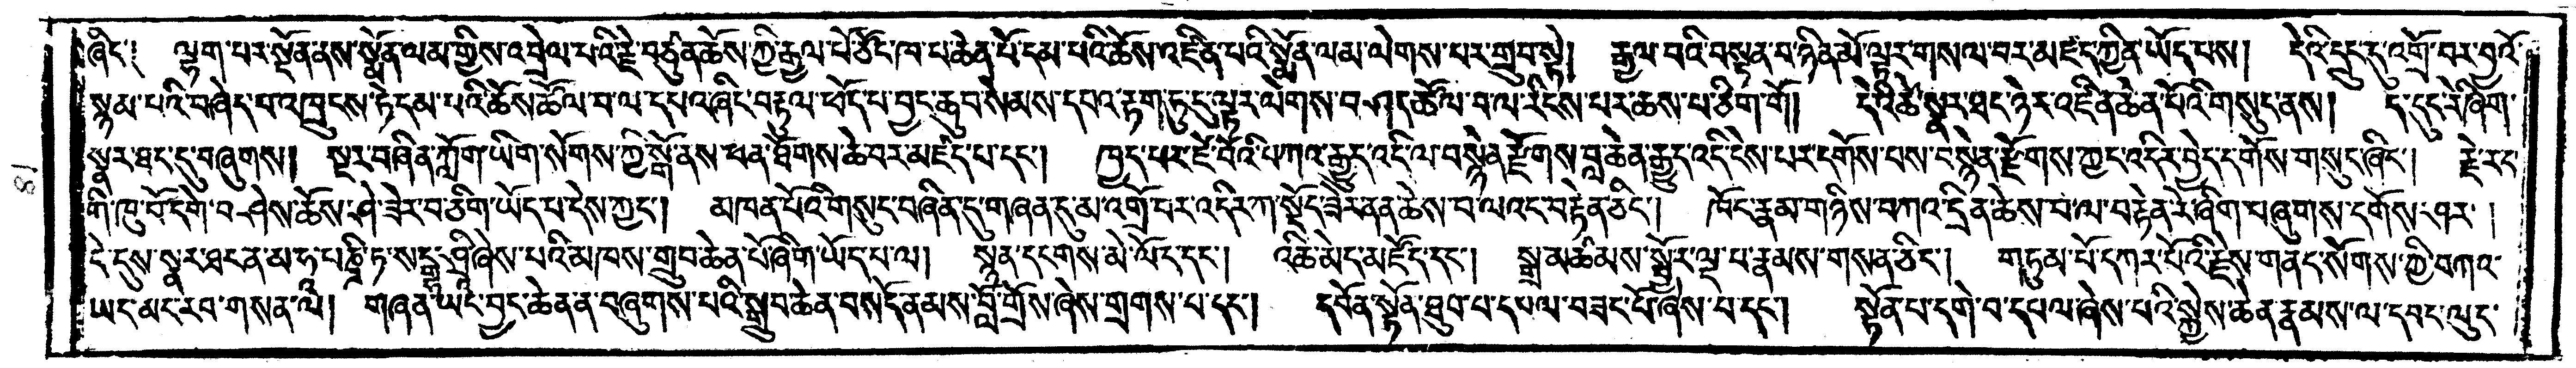ཞིང༑ ལྷག་པར་སྔོན་ནས་སྨོན་ལམ་གྱིས་འབྲེལ་པའི་རྗེ་བཙུན་ཆོས་ཀྱི་རྒྱལ་པོ་ཙོང་ཁ་པ་ཆེན་པོ་དམ་པའི་ཆོས་འཛིན་པའི་སྨོན་ལམ་ལེགས་པར་གྲུབ་སྟེ། རྒྱལ་བའི་བསྟན་པ་ཉིན་མོ་ལྟར་གསལ་བར་མཛད་ཀྱིན་ཡོད་པས། དེའི་དྲུང་དུ་འགྲོ་བར་བྱའོ་
སྙམ་པའི་བཞེད་པ་འཁྲུངས་ཏེ་དམ་པའི་ཆོས་ཚོལ་བ་ལ་དཔའ་ཞིང་བརྟུལ་ཕོད་པ་བྱང་ཆུབ་སེམས་དཔའ་རྟག་ཏུ་དུ་ལྟར་ལེགས་བཤད་ཚོལ་བ་ལ་རིངས་པར་ཆས་པ་ཙིག་གོ། དེའི་ཚེ་སྣར་ཐང་ཉེར་འཛིན་ཆེན་པོའི་གསུང་ནས། ད་དུང་རེ་ཞིག་
སྣར་ཐང་དུ་བཞུགས། སྔར་བཞིན་ཀློག་ཡིག་སོགས་ཀྱི་སྒོ་ནས་ཕན་ཐོགས་ཆེ་བར་མཛད་པ་དང་། ཁྱད་པར་ཇོ་བོའི་བཀའ་རྒྱུད་འདི་ལ་བསྙེན་རྫོགས་བླ་ཆེན་རྒྱུད་འདི་ངེས་པར་དགོས་པས་བསྙེན་རྫོགས་ཀྱང་འདིར་བྱེད་དགོས་གསུང་ཞིང་། རྗེ་རང་
གི་ཁུ་བོ་དགེ་བཤེས་ཆོས་ཤེ་ཟེར་བ་ཅིག་ཡོད་པ་དེས་ཀྱང་། མཁན་པོའི་གསུང་བཞིན་དུ་གཞན་དུ་མ་འགྲོ་བར་འདིར་ཀ་སྡོད་ཟེར་ནན་ཆེས་བ་ལའང་བརྟེན་ཅིང་། ཁོང་རྣམ་གཉིས་བཀའ་དྲིན་ཆེས་བ་ལ་བརྟེན་རེ་ཞིག་བཞུགས་དགོས་ཤར།
དེ་དུས་སྣར་ཐང་ན་མཧཱ་པཎྜི་ཏ་སངྒྷ་ཤྲཱི་ཞེས་པའི་མཁས་གྲུབ་ཆེན་པོ་ཞིག་ཡོད་པ་ལ། སྙན་དང་གས་མེ་ལོང་དང་། འཆི་མེད་མཛོད་དང་། སྒྲ་མཚམས་སྦྱོར་ལྔ་པ་རྣམས་གསན་ཅིང་། གཏུམ་པོ་དཀར་པོའི་རྗེས་གནད་སོགས་ཀྱི་བཀའ་
ཡང་མང་རབ་གསན་ལ། གཞན་ཡང་བྱང་ཆེན་ན་བཞུགས་པའི་སྒྲུབ་ཆེན་བསོད་ནམས་བློ་གྲོས་ཞེས་གྲགས་པ་དང་། དབོན་སྟོན་ཐུབ་པ་དཔལ་བཟང་པོ་ཞེས་པ་དང་། སྟོན་པ་དགེ་བ་དཔལ་ཞེས་པའི་སྐྱེས་ཆེན་རྣམས་ལ་དབང་ལུང་